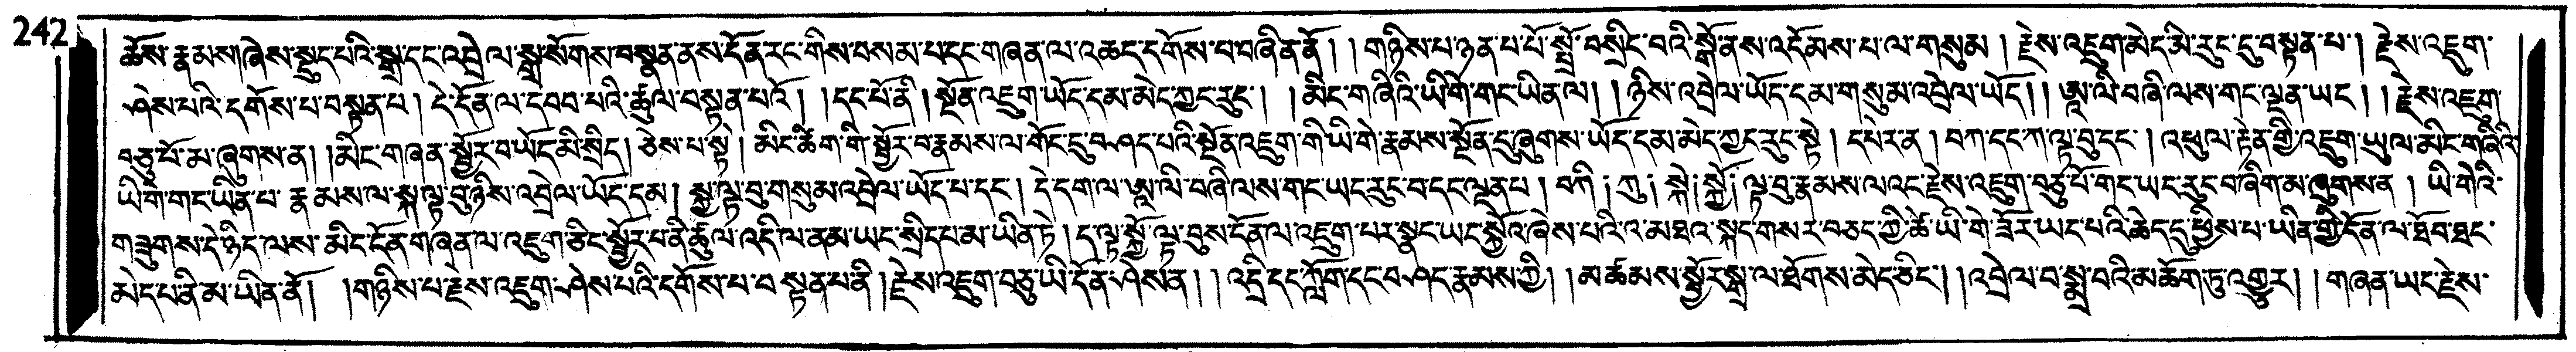ཆོས་རྣམས། ཞེས་སྡུད་པའི་སྒྲ་དང་འབྲེལ་སྒྲ་སོགས་བསྣན་ནས་དོན་རང་གིས་བསམ་པ་དང་གཞན་ལ་འཆད་དགོས་པ་བཞིན་ནོ། །གཉིས་པ་ཉན་པ་པོ་སྤྲོ་བསྲིང་བའི་སྒོ་ནས་འདོམས་པ་ལ་གསུམ། རྗེས་འཇུག་མེད་མི་རུང་དུ་བསྟན་པ། རྗེས་འཇུག་
ཤེས་པའི་དགོས་པ་བསྟན་པ། དེ་དོན་ལ་དབབ་པའི་ཚུལ་བསྟན་པའོ། །དང་པོ་ནི། སྔོན་འཇུག་ཡོད་དམ་མེད་ཀྱང་རུང་། །མིང་གཞིའི་ཡི་གེ་གང་ཡིན་ལ། །ཉིས་འབྲེལ་ཡོད་དམ་གསུམ་འབྲེལ་ཡོད། །ཨཱ་ལི་བཞི་ལས་གང་ལྡན་ཡང་། །རྗེས་འཇུག་
བཅུ་པོ་མ་ཞུགས་ན། །མིང་གཞན་སྦྱོར་བ་ཡོད་མི་སྲིད། ཅེས་པ་སྟེ། མིང་ཚིག་གི་སྦྱོར་བ་རྣམས་ལ་གོང་དུ་བཤད་པའི་སྔོན་འཇུག་གི་ཡི་གེ་རྣམས་སྔོན་དུ་ཞུགས་ཡོད་དམ་མེད་ཀྱང་རུང་སྟེ། དཔེར་ན། བཀ་དང་ཀ་ལྟ་བུ་དང་། འཕུལ་རྟེན་གྱི་འཇུག་ཡུལ་མིང་གཞིའི་
ཡི་གེ་གང་ཡིན་པ་རྣམས་ལ་སྐ་ལྟ་བུ་ཉིས་འབྲེལ་ཡོད་དམ། སྐྱ་ལྟ་བུ་གསུམ་འབྲེལ་ཡོད་པ་དང་། དེ་དག་ལ་ཨཱ་ལི་བཞི་ལས་གང་ཡང་རུང་བ་དང་ལྡན་པ། བཀི༑ ཀུ༑ སྐེ༑ སྐྱོ༑ ལྟ་བུ་རྣམས་ལའང་རྗེས་འཇུག་བཅུ་པོ་གང་ཡང་རུང་བ་ཞིག་མ་ཞུགས་ན། ཡི་གེའི་
གཟུགས་དེ་ཉིད་ལས་མིང་དོན་གཞན་ལ་འཇུག་ཅིང་སྦྱོར་པ་ནི་ཚུལ་འདི་ལ་ནམ་ཡང་སྲིད་པ་མ་ཡིན་ཏེ། ད་ལྟ་སྐྱོ་ལྟ་བུས་དོན་ལ་འཇུག་པར་སྣང་ཡང་སྐྱོའ་ཞེས་པའི་འ་མཐའ་སྐད་གསར་བཅད་ཀྱི་ཚེ་ཡི་གེ་ཟོར་ཡང་པའི་ཆེད་དུ་ཕྱིས་པ་ཡིན་གྱི་དོན་ལ་ཐོབ་ཐང་
མེད་པ་ནི་མ་ཡིན་ནོ། །གཉིས་པ་རྗེས་འཇུག་ཤེས་པའི་དགོས་པ་བསྟན་པ་ནི། རྗེས་འཇུག་བཅུ་ཡི་དོན་ཤེས་ན། །འདྲི་དང་ཀློག་དང་བཤད་རྣམས་ཀྱི། །མཚམས་སྦྱོར་སྒྲ་ལ་ཐོགས་མེད་ཅིང་། །འབྲེལ་བ་སྨྲ་བའི་མཆོག་ཏུ་འགྱུར། །གཞན་ཡང་རྗེས་